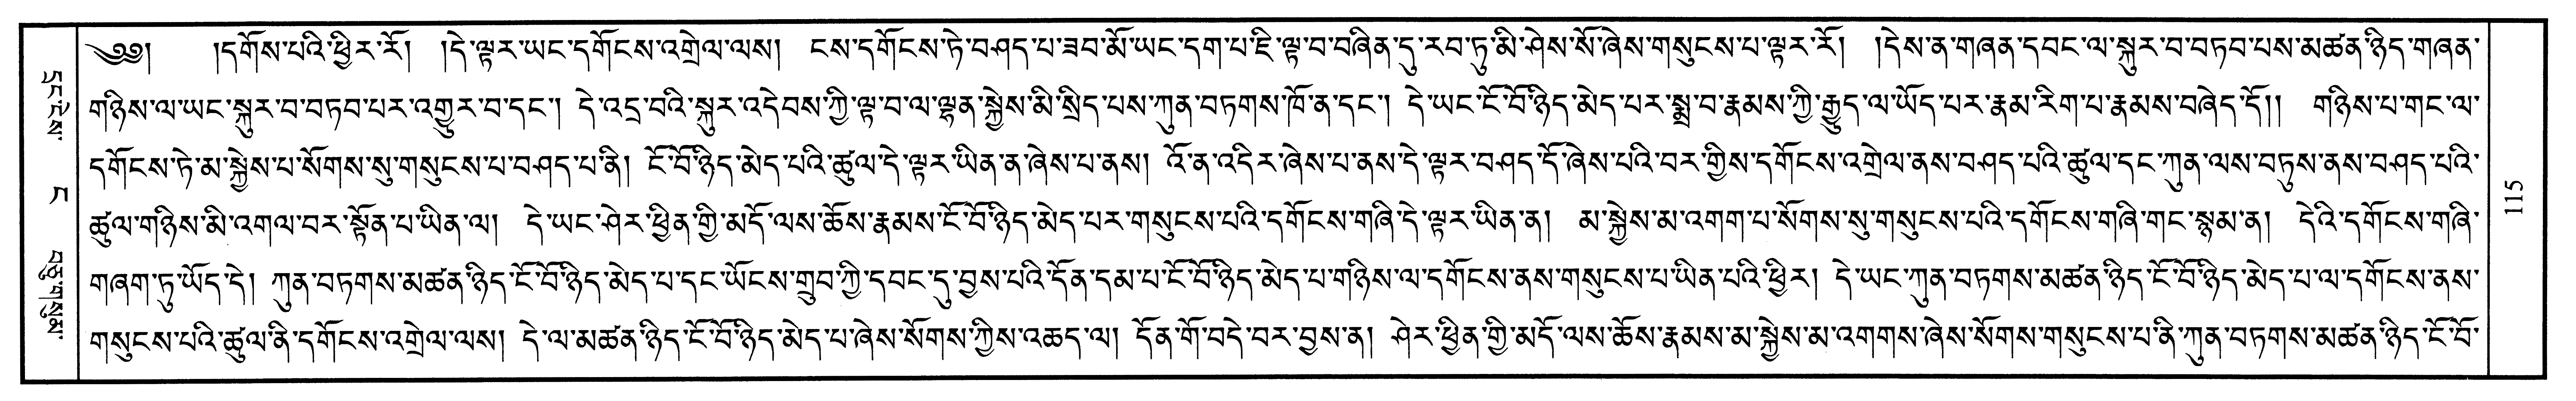༄༅། །དགོས་པའི་ཕྱིར་རོ། །དེ་ལྟར་ཡང་དགོངས་འགྲེལ་ལས། ངས་དགོངས་ཏེ་བཤད་པ་ཟབ་མོ་ཡང་དག་པ་ཇི་ལྟ་བ་བཞིན་དུ་རབ་ཏུ་མི་ཤེས་སོ་ཞེས་གསུངས་པ་ལྟར་རོ། །དེས་ན་གཞན་དབང་ལ་སྐུར་བ་བཏབ་པས་མཚན་ཉིད་གཞན་
གཉིས་ལ་ཡང་སྐུར་བ་བཏབ་པར་འགྱུར་བ་དང་། དེ་འདྲ་བའི་སྐུར་འདེབས་ཀྱི་ལྟ་བ་ལ་ལྷན་སྐྱེས་མི་སྲིད་པས་ཀུན་བཏགས་ཁོ་ན་དང་། དེ་ཡང་ངོ་བོ་ཉིད་མེད་པར་སྨྲ་བ་རྣམས་ཀྱི་རྒྱུད་ལ་ཡོད་པར་རྣམ་རིག་པ་རྣམས་བཞེད་དོ།། གཉིས་པ་གང་ལ་
དགོངས་ཏེ་མ་སྐྱེས་པ་སོགས་སུ་གསུངས་པ་བཤད་པ་ནི། ངོ་བོ་ཉིད་མེད་པའི་ཚུལ་དེ་ལྟར་ཡིན་ན་ཞེས་པ་ནས། འོ་ན་འདིར་ཞེས་པ་ནས་དེ་ལྟར་བཤད་དོ་ཞེས་པའི་བར་གྱིས་དགོངས་འགྲེལ་ནས་བཤད་པའི་ཚུལ་དང་ཀུན་ལས་བཏུས་ནས་བཤད་པའི་
ཚུལ་གཉིས་མི་འགལ་བར་སྟོན་པ་ཡིན་ལ། དེ་ཡང་ཤེར་ཕྱིན་གྱི་མདོ་ལས་ཆོས་རྣམས་ངོ་བོ་ཉིད་མེད་པར་གསུངས་པའི་དགོངས་གཞི་དེ་ལྟར་ཡིན་ན། མ་སྐྱེས་མ་འགག་པ་སོགས་སུ་གསུངས་པའི་དགོངས་གཞི་གང་སྙམ་ན། དེའི་དགོངས་གཞི་
གཞག་ཏུ་ཡོད་དེ། ཀུན་བཏགས་མཚན་ཉིད་ངོ་བོ་ཉིད་མེད་པ་དང་ཡོངས་གྲུབ་ཀྱི་དབང་དུ་བྱས་པའི་དོན་དམ་པ་ངོ་བོ་ཉིད་མེད་པ་གཉིས་ལ་དགོངས་ནས་གསུངས་པ་ཡིན་པའི་ཕྱིར། དེ་ཡང་ཀུན་བཏགས་མཚན་ཉིད་ངོ་བོ་ཉིད་མེད་པ་ལ་དགོངས་ནས་
གསུངས་པའི་ཚུལ་ནི་དགོངས་འགྲེལ་ལས། དེ་ལ་མཚན་ཉིད་ངོ་བོ་ཉིད་མེད་པ་ཞེས་སོགས་ཀྱིས་འཆད་ལ། དོན་གོ་བདེ་བར་བྱས་ན། ཤེར་ཕྱིན་གྱི་མདོ་ལས་ཆོས་རྣམས་མ་སྐྱེས་མ་འགགས་ཞེས་སོགས་གསུངས་པ་ནི་ཀུན་བཏགས་མཚན་ཉིད་ངོ་བོ་